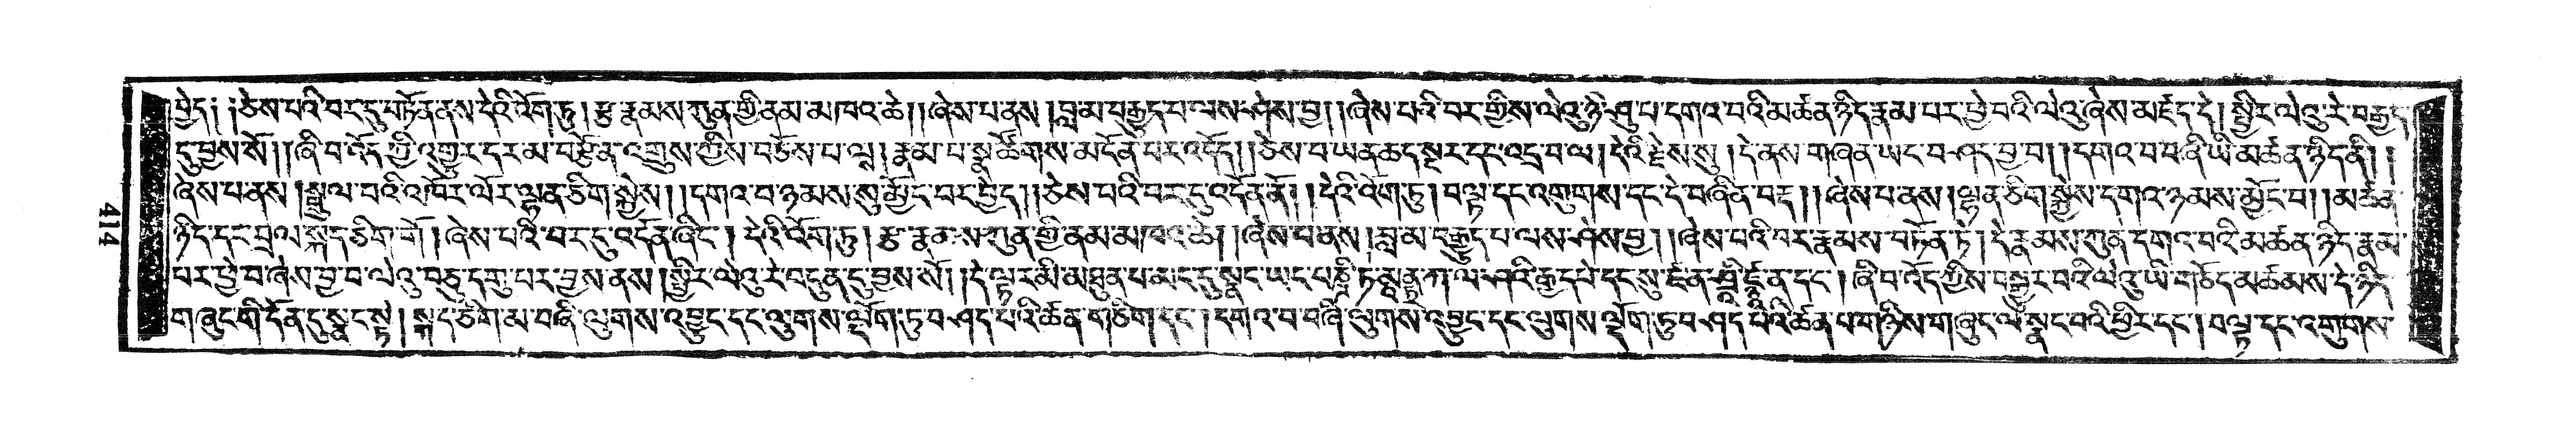བྱེད། །ཅེས་པའི་བར་དུ་བཏོན་ནས་དེའི་འོག་ཏུ། རྩ་རྣམས་ཀུན་གྱི་ནམ་མཁའ་ཆེ། །ཞེས་པ་ནས། བླ་མ་བརྒྱུད་པ་ལས་ཤེས་བྱ། །ཞེས་པའི་བར་གྱིས་ལེའུ་ཉི་ཤུ་པ་དགའ་བའི་མཚན་ཉིད་རྣམ་པར་ཕྱེ་བའི་ལེའུ་ཞེས་མཛད་དེ། སྤྱིར་ལེའུ་རེ་བརྒྱད་
དུ་བྱས་སོ། །ཞི་བ་འོད་ཀྱི་འགྱུར་དར་མ་བརྩོན་འགྲུས་ཀྱིས་བཅོས་པ་ལས། རྣམ་པ་སྣ་ཚོགས་མངོན་པར་འདོད། །ཅེས་པ་ཡན་ཆད་སྔར་དང་འདྲ་བ་ལ། དེའི་རྗེས་སུ་།དེ་ནས་གཞན་ཡང་བཤད་བྱ་བ། །དགའ་བ་བཞི་ཡི་མཚན་ཉིད་ནི། །
ཞེས་པ་ནས། སྤྲུལ་པའི་འཁོར་ལོར་ལྷན་ཅིག་སྐྱེས། །དགའ་བ་ཉམས་སུ་མྱོང་བར་བྱེད། །ཅེས་པའི་བར་དུ་འདོན་ནོ། །དེའི་འོག་ཏུ། བལྟ་དང་འགུགས་དང་དེ་བཞིན་བརྡ། །ཞེས་པ་ནས། ལྷན་ཅིག་སྐྱེས་དགའ་ཉམས་མྱོང་བ། །མཚན་
ཉིད་དང་བྲལ་སྐད་ཅིག་གོ །ཞེས་པའི་བར་དུ་འདོན་ཞིང་། དེའི་འོག་ཏུ། རྩ་རྣམས་ཀུན་གྱི་ནམ་མཁའ་ཆེ། །ཞེས་པ་ནས། བླ་མ་བརྒྱུད་པ་ལས་ཤེས་བྱ། །ཞེས་པའི་བར་རྣམས་བཏོན་ཏེ། དེ་རྣམས་ཀུན་དགའ་བའི་མཚན་ཉིད་རྣམ་
པར་ཕྱེ་བ་ཞེས་བྱ་བ་ལེའུ་བཅུ་དགུ་པར་བྱས་ནས། སྤྱིར་ལེའུ་རེ་བདུན་དུ་བྱས་སོ། །དེ་ལྟར་མི་མཐུན་པ་མང་དུ་སྣང་ཡང་པཎྜི་ཏ་མཱནྟྲ་ཀ་ལ་ཤའི་རྒྱ་དཔེ་དང་སུ་ཛ་ན་ཤྲཱི་ཛྙཱ་ན་དང་། ཞི་བ་འོད་ཀྱིས་བསྒྱུར་བའི་ལེའུ་ཡི་གཅོད་མཚམས་དེ་ཉིད་
གཞུང་གི་དོན་དུ་སྣང་སྟེ། སྐད་ཅིག་མ་བཞི་ལུགས་འབྱུང་དང་ལུགས་ལྡོག་ཏུ་བཤད་པའི་ཚན་གཅིག་དང་། དགའ་བ་བཞི་ལུགས་བ་བཞི་ལུགས་འབྱུང་དང་ལུགས་ལྡོག་ཏུ་བཤད་པའི་ཆན་པ་གཉིས་གཞུང་ལ་སྣང་བའི་ཕྱིར་དང་། བལྟ་དང་འགུགས་